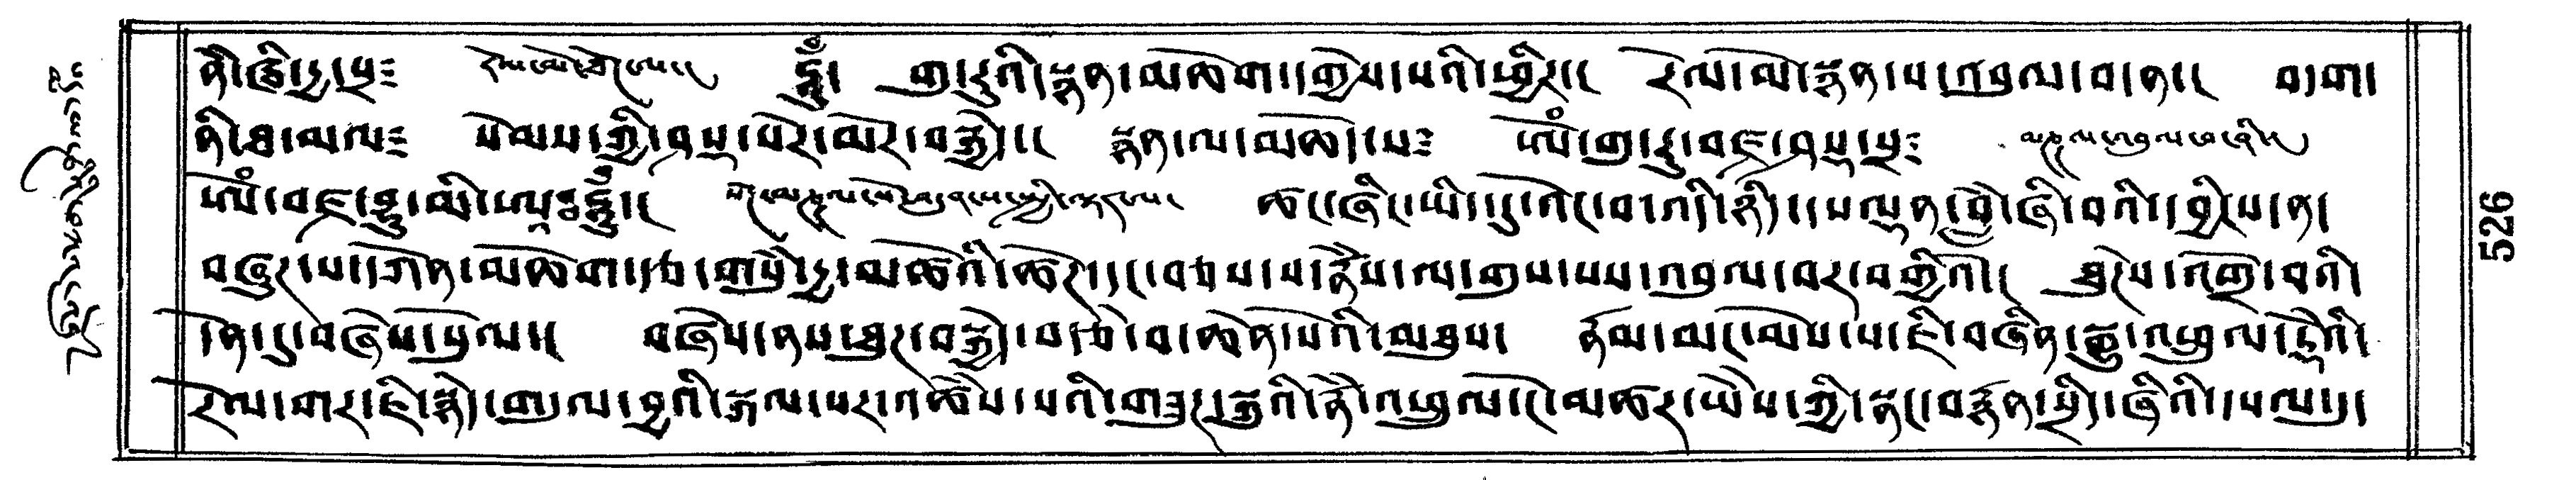ནཻ་ཝི་དྱ་པྲ༴ རོལ་མོ་ཐོགས་ལ། ཧཱུྃ། གུ་རུའི་སྙན་མཆོག་དགྱེས་པའི་ཕྱིར། རོལ་མོ་སྙན་པ་འབུལ་བ་ན། བདག་
ནི་ཐ་མལ༴ སེམས་ཀྱི་ཤབྡ་སེར་མོར་བསྐྱེད། །སྙན་ལ་མཆོད་པ༴ ཨོཾ་གུ་རུ་བཛྲ་ཤབྡ་པྲ༴ མཎྜལ་འབུལ་བ་ནི། 
ཨོཾ་བཛྲ་བྷུ་མི་ཨཱཿཧཱུྃ། སོགས་མཎྜལ་སོ་བདུན་པ་སྤྱི་ལྟར་ལ། ཚང་ཞིང་ཡིད་དུ་འོང་བ་འདི་ཉིད་དཔལ་ལྡན་བླ་མ་ཞི་བའི་དབྱིངས་ན་
བཞུགས་པ་དཀོན་མཆོག་རྩ་གསུམ་རྒྱ་མཚོའི་ཚོགས་དང་བཅས་པ་རྣམས་ལ་གུས་པས་འབུལ་བར་བགྱིའོ། ཐུགས་རྗེས་འགྲོ་བའི་
དོན་དུ་བཞེས་སུ་གསོལ། བཞེས་ནས་ཐུགས་བསྐྱེད་བརྩེ་བ་ཆེན་པོའི་མཐུས། རྣམ་མང་མོས་པ་ཇི་བཞིན་སྒྱུ་འཕྲུལ་རྡོ་རྗེའི་
རོལ་གར་ཇི་སྙེད་གདུལ་བྱའི་སྐལ་པར་འཚམས་པའི་གཟུགས་སྐུའི་རྣམ་འཕྲུལ་ངོ་མཚར་ཡེ་ཤེས་ཀྱི་སྣང་བརྙན་སྲིད་ཞིའི་དཔལ་དུ་